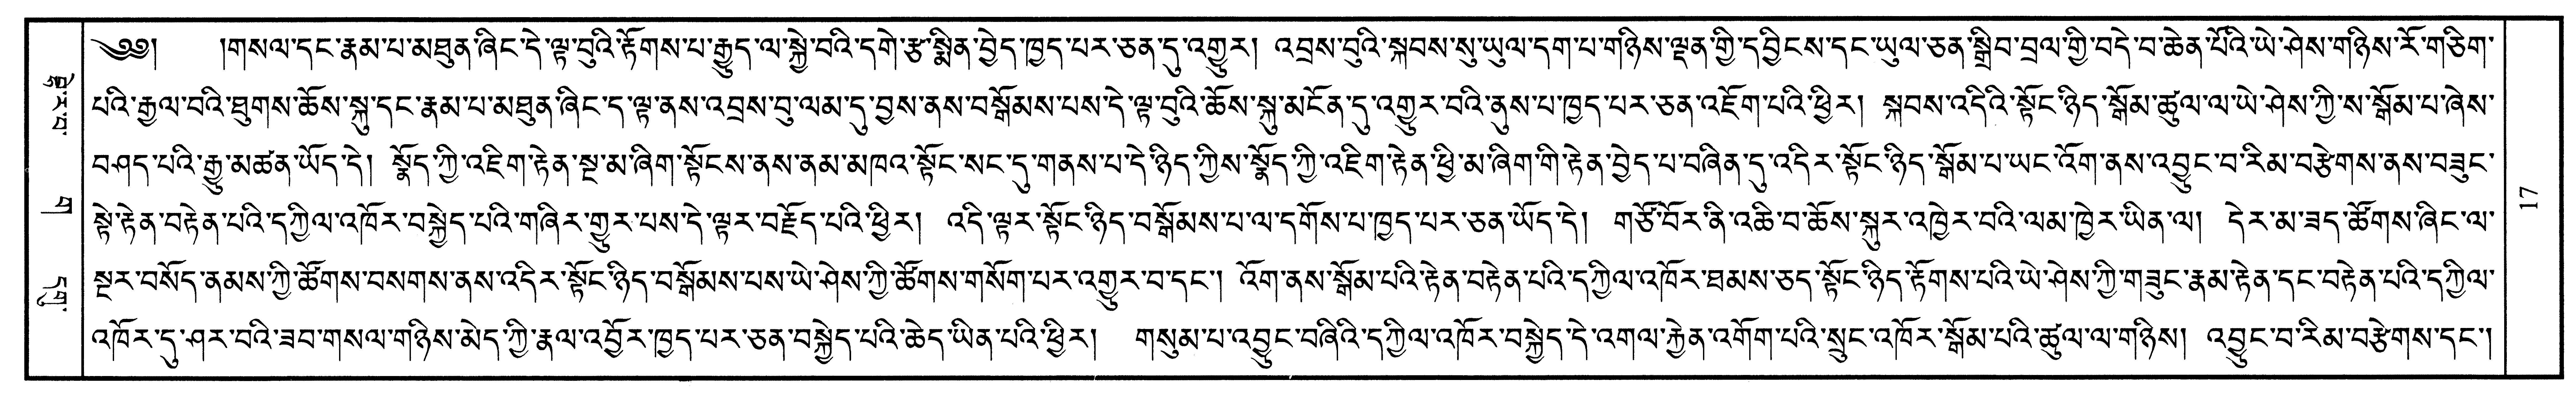༄༅། །གསལ་དང་རྣམ་པ་མཐུན་ཞིང་དེ་ལྟ་བུའི་རྟོགས་པ་རྒྱུད་ལ་སྐྱེ་བའི་དགེ་རྩ་སྨིན་བྱེད་ཁྱད་པར་ཅན་དུ་འགྱུར། འབྲས་བུའི་སྐབས་སུ་ཡུལ་དག་པ་གཉིས་ལྡན་གྱི་དབྱིངས་དང་ཡུལ་ཅན་སྒྲིབ་བྲལ་གྱི་བདེ་བ་ཆེན་པོའི་ཡེ་ཤེས་གཉིས་རོ་གཅིག་
པའི་རྒྱལ་བའི་ཐུགས་ཆོས་སྐུ་དང་རྣམ་པ་མཐུན་ཞིང་ད་ལྟ་ནས་འབྲས་བུ་ལམ་དུ་བྱས་ནས་བསྒོམས་པས་དེ་ལྟ་བུའི་ཆོས་སྐུ་མངོན་དུ་འགྱུར་བའི་ནུས་པ་ཁྱད་པར་ཅན་འཇོག་པའི་ཕྱིར། སྐབས་འདིའི་སྟོང་ཉིད་སྒོམ་ཚུལ་ལ་ཡེ་ཤེས་ཀྱི་ས་སྒོམ་པ་ཞེས་
བཤད་པའི་རྒྱུ་མཚན་ཡོད་དེ། སྣོད་ཀྱི་འཇིག་རྟེན་སྔ་མ་ཞིག་སྟོངས་ནས་ནམ་མཁའ་སྟོང་སང་དུ་གནས་པ་དེ་ཉིད་ཀྱིས་སྣོད་ཀྱི་འཇིག་རྟེན་ཕྱི་མ་ཞིག་གི་རྟེན་བྱེད་པ་བཞིན་དུ་འདིར་སྟོང་ཉིད་སྒོམ་པ་ཡང་འོག་ནས་འབྱུང་བ་རིམ་བརྩེགས་ནས་བཟུང་
སྟེ་རྟེན་བརྟེན་པའི་དཀྱིལ་འཁོར་བསྐྱེད་པའི་གཞིར་གྱུར་པས་དེ་ལྟར་བརྗོད་པའི་ཕྱིར། འདི་ལྟར་སྟོང་ཉིད་བསྒོམས་པ་ལ་དགོས་པ་ཁྱད་པར་ཅན་ཡོད་དེ། གཙོ་བོར་ནི་འཆི་བ་ཆོས་སྐུར་འཁྱེར་བའི་ལམ་ཁྱེར་ཡིན་ལ། དེར་མ་ཟད་ཚོགས་ཞིང་ལ་
སྔར་བསོད་ནམས་ཀྱི་ཚོགས་བསགས་ནས་འདིར་སྟོང་ཉིད་བསྒོམས་པས་ཡེ་ཤེས་ཀྱི་ཚོགས་གསོག་པར་འགྱུར་བ་དང་། འོག་ནས་སྒོམ་པའི་རྟེན་བརྟེན་པའི་དཀྱིལ་འཁོར་ཐམས་ཅད་སྟོང་ཉིད་རྟོགས་པའི་ཡེ་ཤེས་ཀྱི་གཟུང་རྣམ་རྟེན་དང་བརྟེན་པའི་དཀྱིལ་
འཁོར་དུ་ཤར་བའི་ཟབ་གསལ་གཉིས་མེད་ཀྱི་རྣལ་འབྱོར་ཁྱད་པར་ཅན་བསྐྱེད་པའི་ཆེད་ཡིན་པའི་ཕྱིར། གསུམ་པ་འབྱུང་བཞིའི་དཀྱིལ་འཁོར་བསྐྱེད་དེ་འགལ་རྐྱེན་འགོག་པའི་སྲུང་འཁོར་སྒོམ་པའི་ཚུལ་ལ་གཉིས། འབྱུང་བ་རིམ་བརྩེགས་དང་།